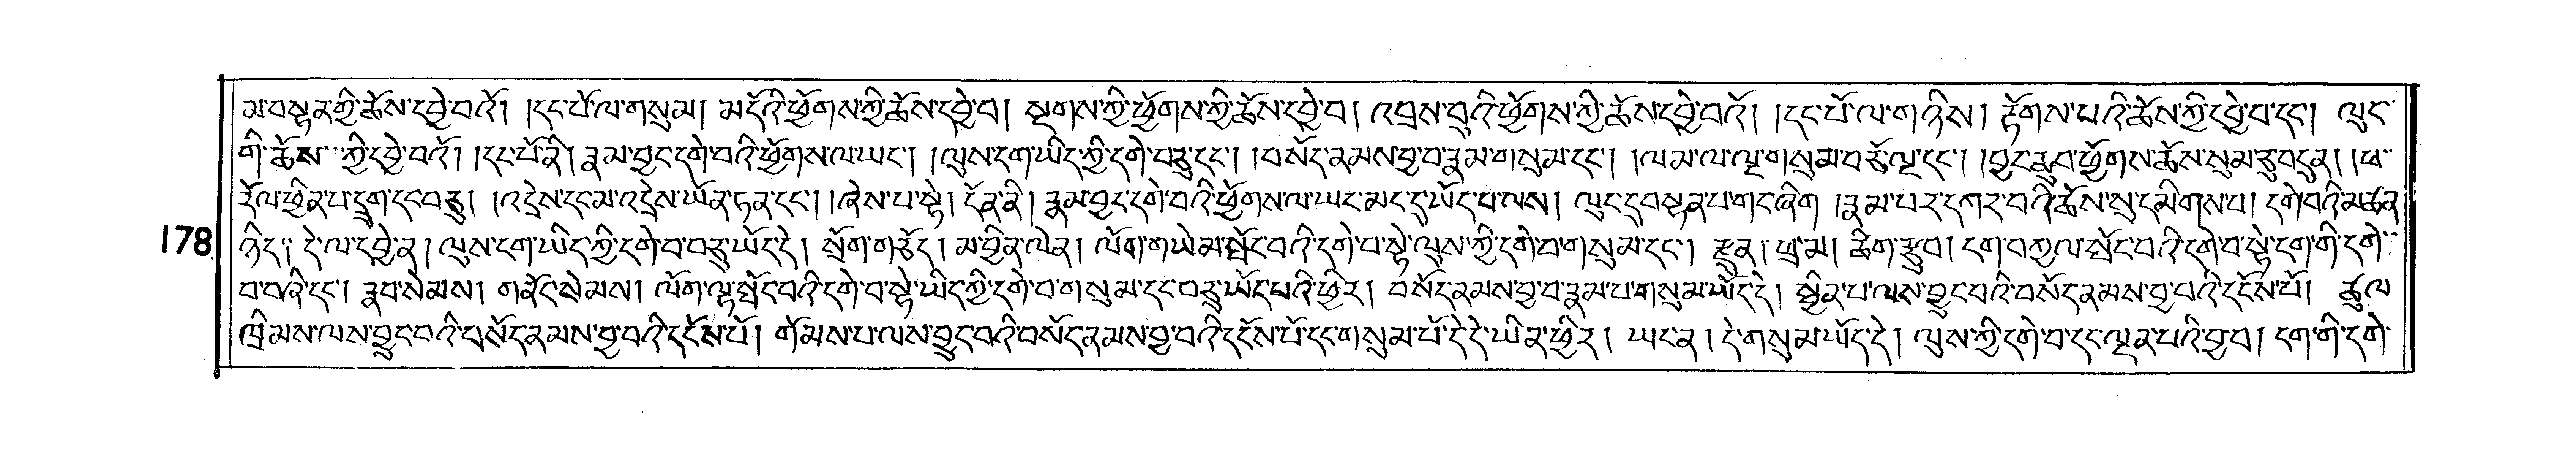མ་བསྟན་གྱི་ཆོས་དབྱེ་བའོ། །དང་པོ་ལ་གསུམ། མདོའི་ཕྱོགས་ཀྱི་ཆོས་དབྱེ་བ། སྔགས་ཀྱི་ཕྱོགས་ཀྱི་ཆོས་དབྱེ་བ། འབྲས་བུའི་ཕྱོགས་ཀྱི་ཆོས་དབྱེ་བའོ། །དང་པོ་ལ་གཉིས། རྟོགས་པའི་ཆོས་ཀྱི་དབྱེ་བ་དང་། ལུང་
གི་ཆོས་ཀྱི་དབྱེ་བའོ། །དང་པོ་ནི། རྣམ་བྱང་དགེ་བའི་ཕྱོགས་ལ་ཡང་། །ལུས་ངག་ཡིད་ཀྱི་དགེ་བཅུ་དང་། །བསོད་ནམས་བྱ་བ་རྣམ་གསུམ་དང་། །ལམ་ལ་ལྔ་གསུམ་བཅོ་ལྔ་དང་། །བྱང་ཆུབ་ཕྱོགས་ཆོས་སུམ་ཅུ་བདུན། །ཕ་
རོལ་ཕྱིན་པ་དྲུག་དང་བཅུ། །འདྲེས་དང་མ་འདྲེས་ཡོན་ཏན་དང་། །ཞེས་པ་སྟེ། དོན་ནི། རྣམ་བྱང་དགེ་བའི་ཕྱོགས་ལ་ཡང་མང་དུ་ཡོད་པ་ལས། ལུང་དུ་བསྟན་པ་གང་ཞིག །རྣམ་པར་དཀར་བའི་ཆོས་སུ་དམིགས་པ། དགེ་བའི་མཚན་
ཉིད༑ དེ་ལ་དབྱེ་ན། ལུས་ངག་ཡིད་ཀྱི་དགེ་བ་བཅུ་ཡོད་དེ། སྲོག་གཅོད། མ་བྱིན་ལེན། ལོག་གཡེམ་སྤོང་བའི་དགེ་བ་སྟེ་ལུས་ཀྱི་དགེ་བ་གསུམ་དང་། རྫུན༑ ཕྲ་མ། ཚིག་རྩུབ། ངག་བཀྱལ་སྤོང་བའི་དགེ་བ་སྟེ་དག་གི་དགེ་
བ་བཞི་དང་། རྣབ་སེམས། གནོད་སེམས། ལོག་ལྟ་སྤོང་བའི་དགེ་བ་སྟེ་ཡིད་ཀྱི་དགེ་བ་གསུམ་དང་བཅུ་ཡོད་པའི་ཕྱིར། བསོད་ནམས་བྱ་བ་རྣམ་པ་གསུམ་ཡོད་དེ། སྦྱིན་པ་ལས་བྱུང་བའི་བསོད་ནམས་བྱ་བའི་དངོས་པོ། ཚུལ་
ཁྲིམས་ལས་བྱུང་བའི་བསོད་ནམས་བྱ་བའི་དངོས་པོ། གོམས་པ་ལས་བྱུང་བའི་བསོད་ནམས་བྱ་བའི་དངོས་པོ་དང་གསུམ་པོ་དེ་དེ་ཡིན་ཕྱིར། ཡང་ན། དེ་གསུམ་ཡོད་དེ། ལུས་ཀྱི་དགེ་བ་དང་ལྡན་པའི་བྱ་བ། དག་གི་དགེ་